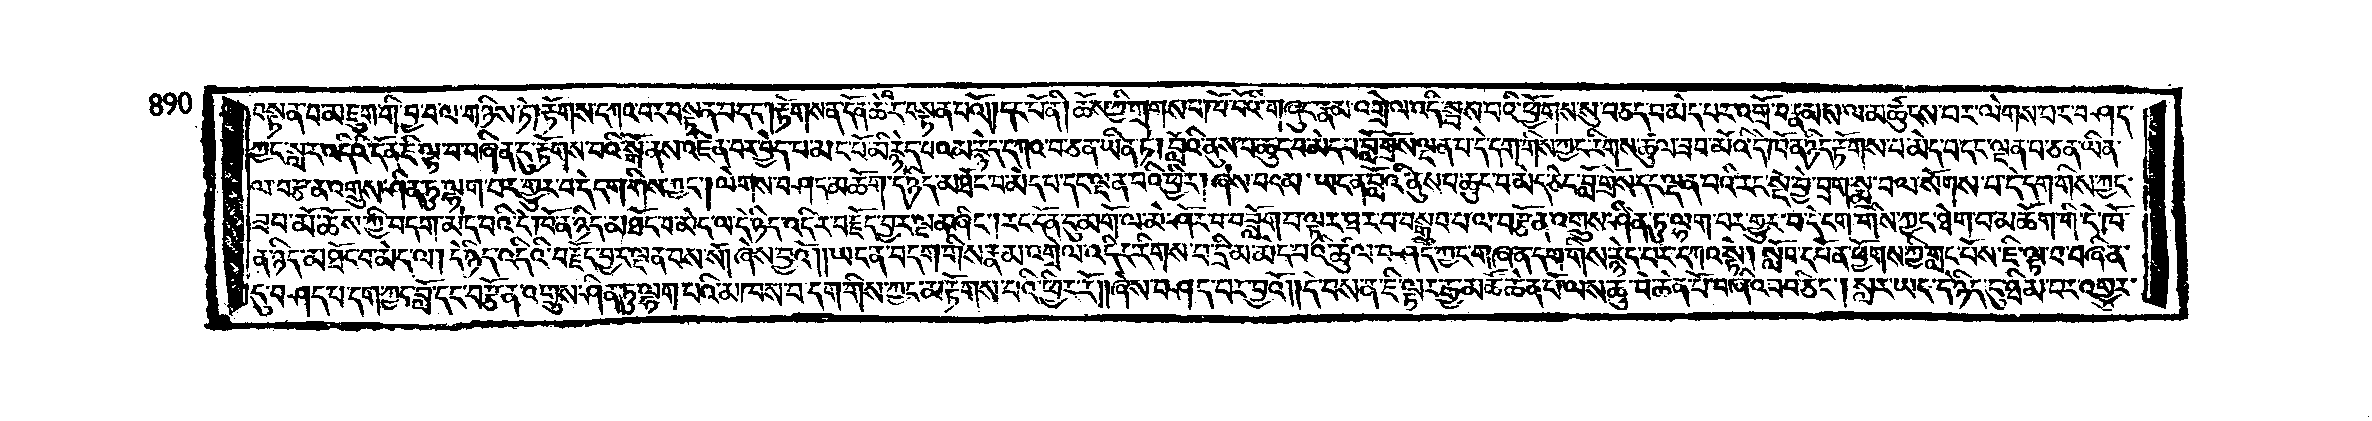བསྟན་པ་མཇུག་གི་བྱ་བ་ལ་གཉིས་ཏེ། རྟོགས་དཀའ་བར་བསྟན་པ་དང་། རྟོགས་ན་དོན་ཚེ་བར་བསྟན་པའོ། །དང་པོ་ནི། ཆོས་ཀྱི་གྲགས་པ་ཁོ་བོའི་གཞུང་རྣམ་འགྲེལ་འདི་སྦས་པའི་ཕྱོགས་སུ་བཅད་པ་མེད་པར་འགྲོ་བ་རྣམས་ལ་མཚུངས་པར་ལེགས་པར་བཤད་
ཀྱང་སླར་འདིའི་དོན་འཇི་ལྟ་བ་བཞིན་དུ་རྟོགས་པའི་སྒོ་ནས་འདིཟན་པར་བྱེད་པ་མང་པོ་མི་རྙེད་པའམ་རྙེད་དཀའ་བ་ཅན་ཡིན་ཏེ། བློའི་ནུས་པ་ཆུང་པ་མེད་པ་བློ་གྲོས་ལྡན་པ་དེ་དག་གིས་ཀྱང་རིགས་ཚུལ་ཟབ་མོའི་དེ་ཁོ་ན་ཉིད་རྟོགས་པ་མེད་པ་དང་ལྡན་པ་ཅན་ཡིན་
ལ་བརྩོན་འགྲུས་ཤིན་ཏུ་ལྷག་པར་གྱུར་བ་དེ་དག་གིས་ཀྱང་། ལེགས་བཤད་མཆོག་དེ་ཉིད་མཐོང་བ་མེད་པ་དང་ལྡན་པའི་ཕྱིར། ཞེས་པའམ་ཡང་ན་བློའི་ནུས་པ་ཆུང་བ་མེད་ཅིང་བློ་གྲོས་དང་ལྡན་པའི་རང་སྡེ་བྱེ་བྲག་སྨྲ་བ་ལ་སོགས་པ་དེ་དག་གིས་ཀྱང་
ཟབ་མོ་ཆོས་ཀྱི་བདག་མེད་པའི་དེ་ཁོ་ན་ཉིད་མཐོང་བ་མེད་ལ་དེ་ཉིད་འདིར་བརྗོད་བྱར་ལྡན་ཞིང་། རང་དོན་དུ་མགོ་ལ་མེ་ཤོར་བ་བཟློག་པ་ལྟར་ཐར་བ་བསྒྲུབ་པ་ལ་བརྩོན་འགྲུས་ཤིན་ཏུ་ལྷག་པར་གྱུར་བ་དེ་དག་གིས་ཀྱང་ཐེག་པ་མཆོག་གི་དེ་ཁོ་
ན་ཉིད་མཐོང་བ་མེད་ལ་དེ་ཉིད་འདིའི་བརྗོད་བྱར་ལྡན་པས་སོ། །ཞེས་བྱའོ། །ཡང་ན་བདག་གིས་རྣམ་འགྲེལ་འདིར་རིགས་པ་དྲི་མ་མེད་པའི་ཚུལ་བཤད་ཀྱང་གཞན་དག་གིས་རྙེད་པར་དཀའ་སྟེ། སློབ་དཔོན་ཕྱོགས་ཀྱི་གླང་པོས་ཇི་ལྟ་བ་བཞིན་
དུ་བཤད་པ་དག་ཀྱང་བློ་དང་བརྩོན་འགྲུས་ཤིན་ཏུ་ལྷག་པའི་མཁས་པ་དག་གིས་ཀྱང་མ་རྟོགས་པའི་ཕྱིར་རོ། །ཞེས་བཤད་པར་བྱའོ། །དེ་བས་ན་ཇི་ལྟར་རྒྱ་མཚོ་ཆེན་པོ་ལས་ཆུ་བོ་ཆེན་པོ་བཞི་འབབ་ཅིང་། སླར་ཡང་དེ་ཉིད་དུ་ཐིམ་པར་འགྱུར་